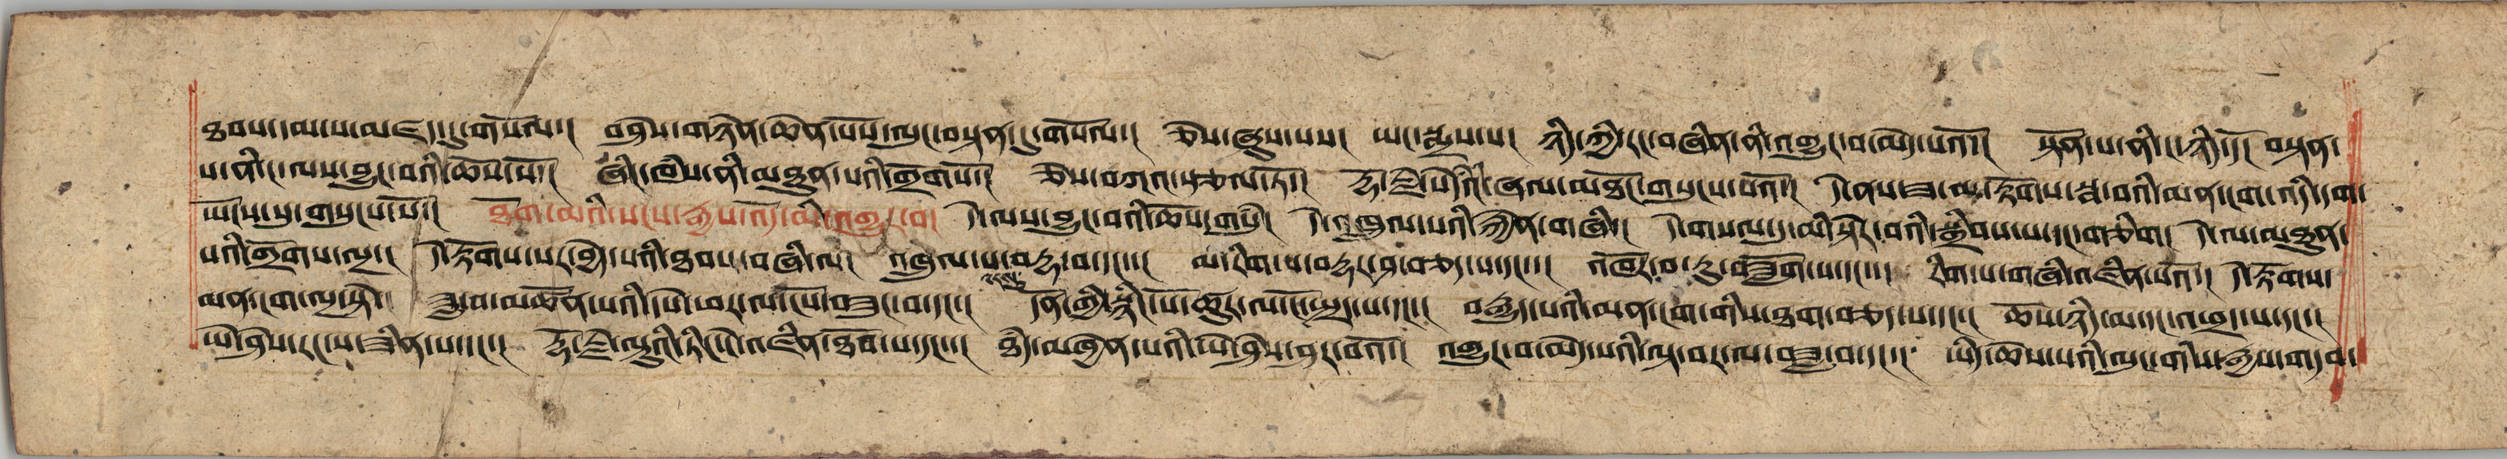ཐབས་དམ་པ་མཛད་དུ་གསོལ་། བཤེས་གཉེན་ཆེན་པོས་ལུང་བསྟན་དུ་གསོལ་། ཅེས་ཞུས་པས། ཡང་སྨྲས་པ། ཉིད་ཀྱི་རང་བཞིན་ནི་འགྱུར་བ་མེད་པའོ་། སྟོན་པ་ནི་ང་ཉིད་དོ་། བསྟན་
པ་ནི་ང་ལས་བྱུང་བའི་ཆོས་སོ་། ཞིང་ཁཾས་མཐུན་པའི་གྲོགསོ་། ཅེས་བཀའ་སྩལ་ཏོ་། རྡོ་རྗེ་སེཾདའ་ཞལ་མཐོང་གསུངས་བའོ་། དེ་ནས་ཟ་མ་རྟོགས་སྦ་བའི་མན་ངག་འདི་དག་
ཡོངས་སུ་གསུངས་སོ་། ཐོག་མའི་སངས་རྒྱས་འོད་མི་འགྱུར་བ། དེ་ལས་བྱུང་བའི་ཆོས་གསུཾ། དེ་འཁྲུལ་པའི་རྐྱེན་གཞི་། དེ་གསལ་དུ་མི་སྟེར་བའི་སྒྲིབས་པ་དང་གཅིག། དེ་ལ་མཐུན་
པའི་གྲོགས་ལྔ་། དེ་རྟོགས་པར་བྱེད་པའི་ཐབས་བཞི་ལ་། འཁྲུལ་པ་འདསུ་བརྡ་བ་དང་་། མ་རིག་པ་བརྡར་ཤ་བཅད་པ་དང་་། འཁོར་བ་རུ་བཟློག་པ་དང་་། རིག་པ་གཞི་འཛིན་པའོ་། དེ་རྟོགས་
མན་ངག་ལྔ་སྟེ་། ཟླ་མཚོན་པའི་དཔེ་ཕར་ལ་ངོས་བཟུང་བ་དང་། དོནགྱི་སྙིང་པོ་ཚུར་ལ་ངོ་སྤྲད་པ་དང་། བརྒྱུད་པའི་མན་ངག་གིས་ཐག་བཅད་པ་དང་། ཆོས་ཉིད་མ་དང་འཕྲད་པ་དང་།
ཡེ་ཤེས་རང་ས་ཟིན་པ་དང་། རྡོ་རྗེ་ལྟུའི་ཏིང་ངེ་འཛིན་ཐོབ་པ་དང་་། ཐདཾ་མཁྱེན་པའི་ཡེ་ཤེས་ཤར་བའོ་། འགྱུར་བ་མེད་པའི་ལྟ་བར་ལ་བཟླ་བ་དང་། ཡིད་ཆེས་པའི་ལུང་གིས་རྒྱས་གདབ་